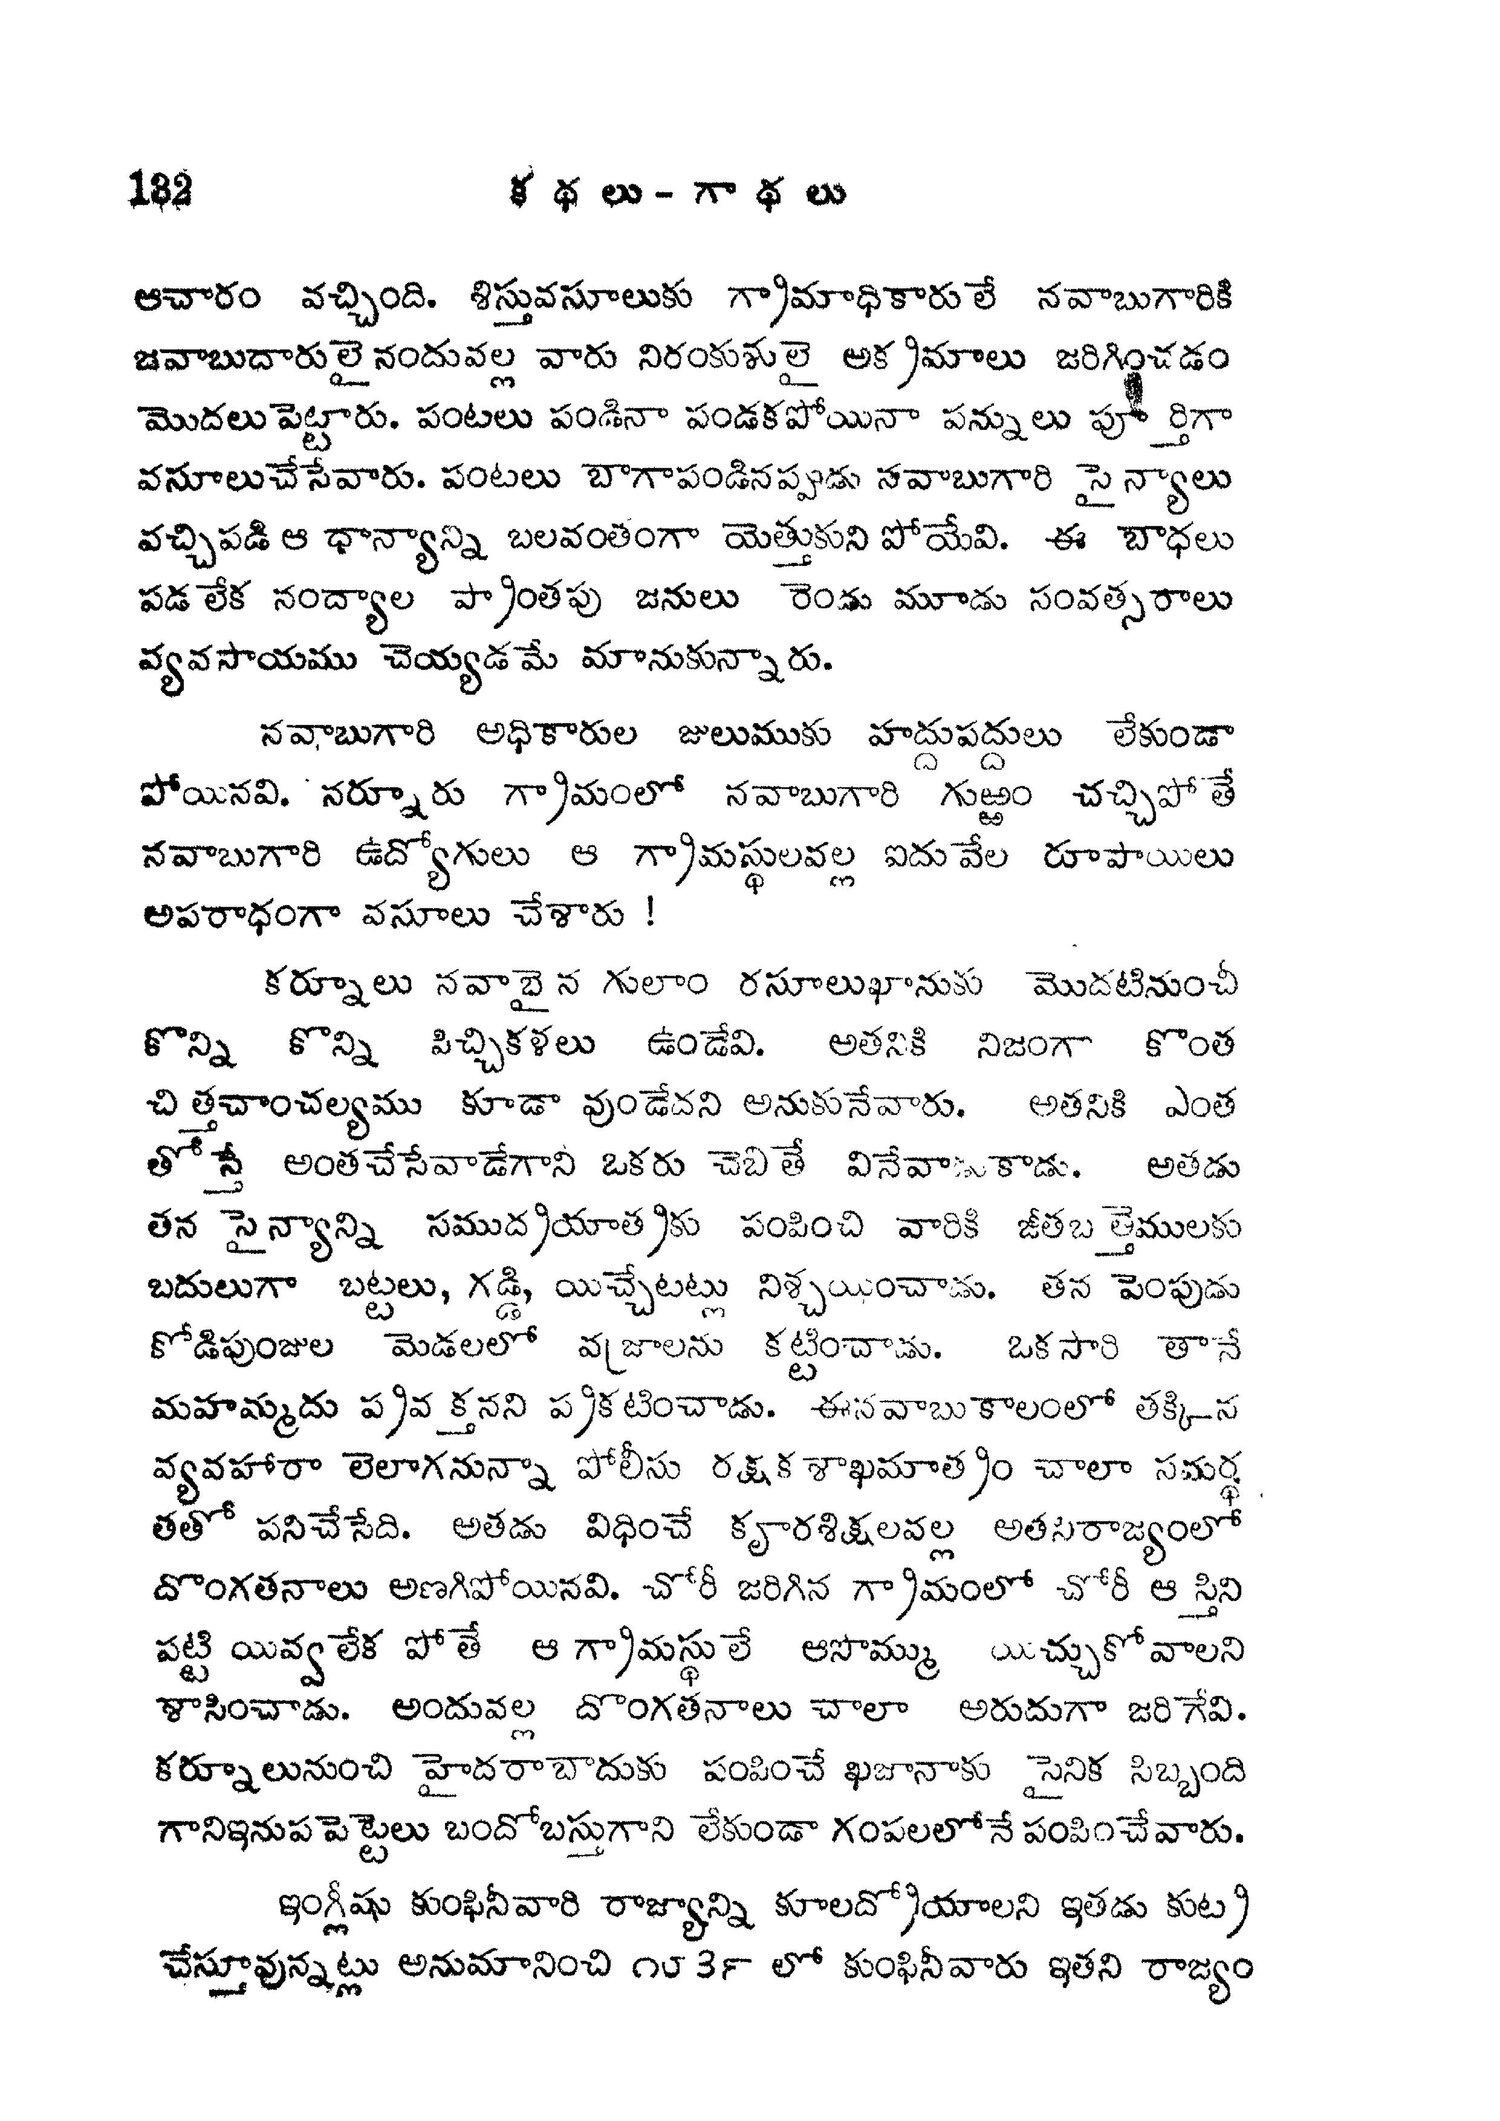ఆచారం వచ్చింది. శిస్తువసూలుకు గ్రామాధికారులే నవాబుగారికి జవాబుదారులై నందువల్ల వారు నిరంకుశులై అక్రమాలు జరిగించడం మొదలుపెట్టారు. పంటలు పండినా పండకపోయినా పన్నులు పూర్తిగ వసూలుచేసేవారు. పంటలు బాగాపండిస్తున్నప్పుడు నవాబుగారి సైన్యాలు వచ్చిపడి ఆ ధాన్యాన్ని బలవంతంగా యెత్తుకునిపోయేవి. ఈ బాధలు పడలేక నంద్యాల ప్రాంతపు జనులు రెండు మూడు సంవత్సరాలు వ్యవసాయము చెయ్యడమే మానుకున్నారు.

నవాబుగారి అధికారుల జులుముకు హద్దుపద్ధులు లేకుండా పోయినవి. నర్నూరు గ్రామంలో నవాబుగారి గుఱ్ఱం చచ్చిపోతే నవాబుగారి ఉద్యోగులు ఆ గ్రామస్థులవల్ల ఐదువేలు రూపాయిలు అపరాధంగా వసూలు చేశారు!

కర్నూలు నవాబైన గులాం రసూలుఖానుకు మొదటినుంచీ కొన్ని కొన్ని పిచ్చికళలు ఉండేవి. అతనికి నిజంగా కొంత చిత్తచాంచల్యము కూడా వుండేదని అనుకునేవారు. అతనికి ఎంత తోస్తే అంతచేసేవాడేగాని ఒకరు చెబితే వినెవాడు కాదు. అతడు తన సైన్యాన్ని సముద్రయాత్రకు పంపించి వారికి జీతబత్తెములకు బదులుగా బట్టలు, గడ్ది, యిచ్చేటట్లు నిశ్చయించాడు. తన పెంపుడు కోడిపుంజుల మెడలో వజ్రాలను కట్టించాడు. ఒకసారి తానే మహమ్మదు ప్రవక్తనని ప్రకటించాడు. ఈ నవాబు కాలంలో తక్కిన వ్యవహరా లెలాగనున్నా పోలీసు రక్షకశాఖమాత్రం చాలా సమర్ధతతో పనిచేసేది. అతడు విధించే క్రూరశిక్షలవల్ల అతనిరాజ్యంలో దొంగతనాలు అణగిపోయినవి. చోరీ జరిగిన గ్రామంలో చోరీ ఆస్తిని పట్టి యివ్వలేక పోతే ఆ గ్రామస్థులే ఆసొమ్ము యిచ్చుకోవాలని శాసించాడు. అందువల్ల దొంగతనాలు చాలా అరుదుగా జరిగేవి. కర్నూలునుంచి హైదరాబాదుకు పంపించే ఖజానాకు సైనిక సిబ్బంది గాని ఇనుపపెట్టెలు బందోబస్తుగాని లేకుండా గంపలలోనే పంపించేవాడు.

ఇంగ్లీషు కుంఫినీవారి రాజ్యాన్ని కూలద్రోయాలని ఇతడు కుట్ర చేస్తూవున్నట్లు అనుమానించి 1839 లో కుంఫినీవారు ఇతని రాజ్యం